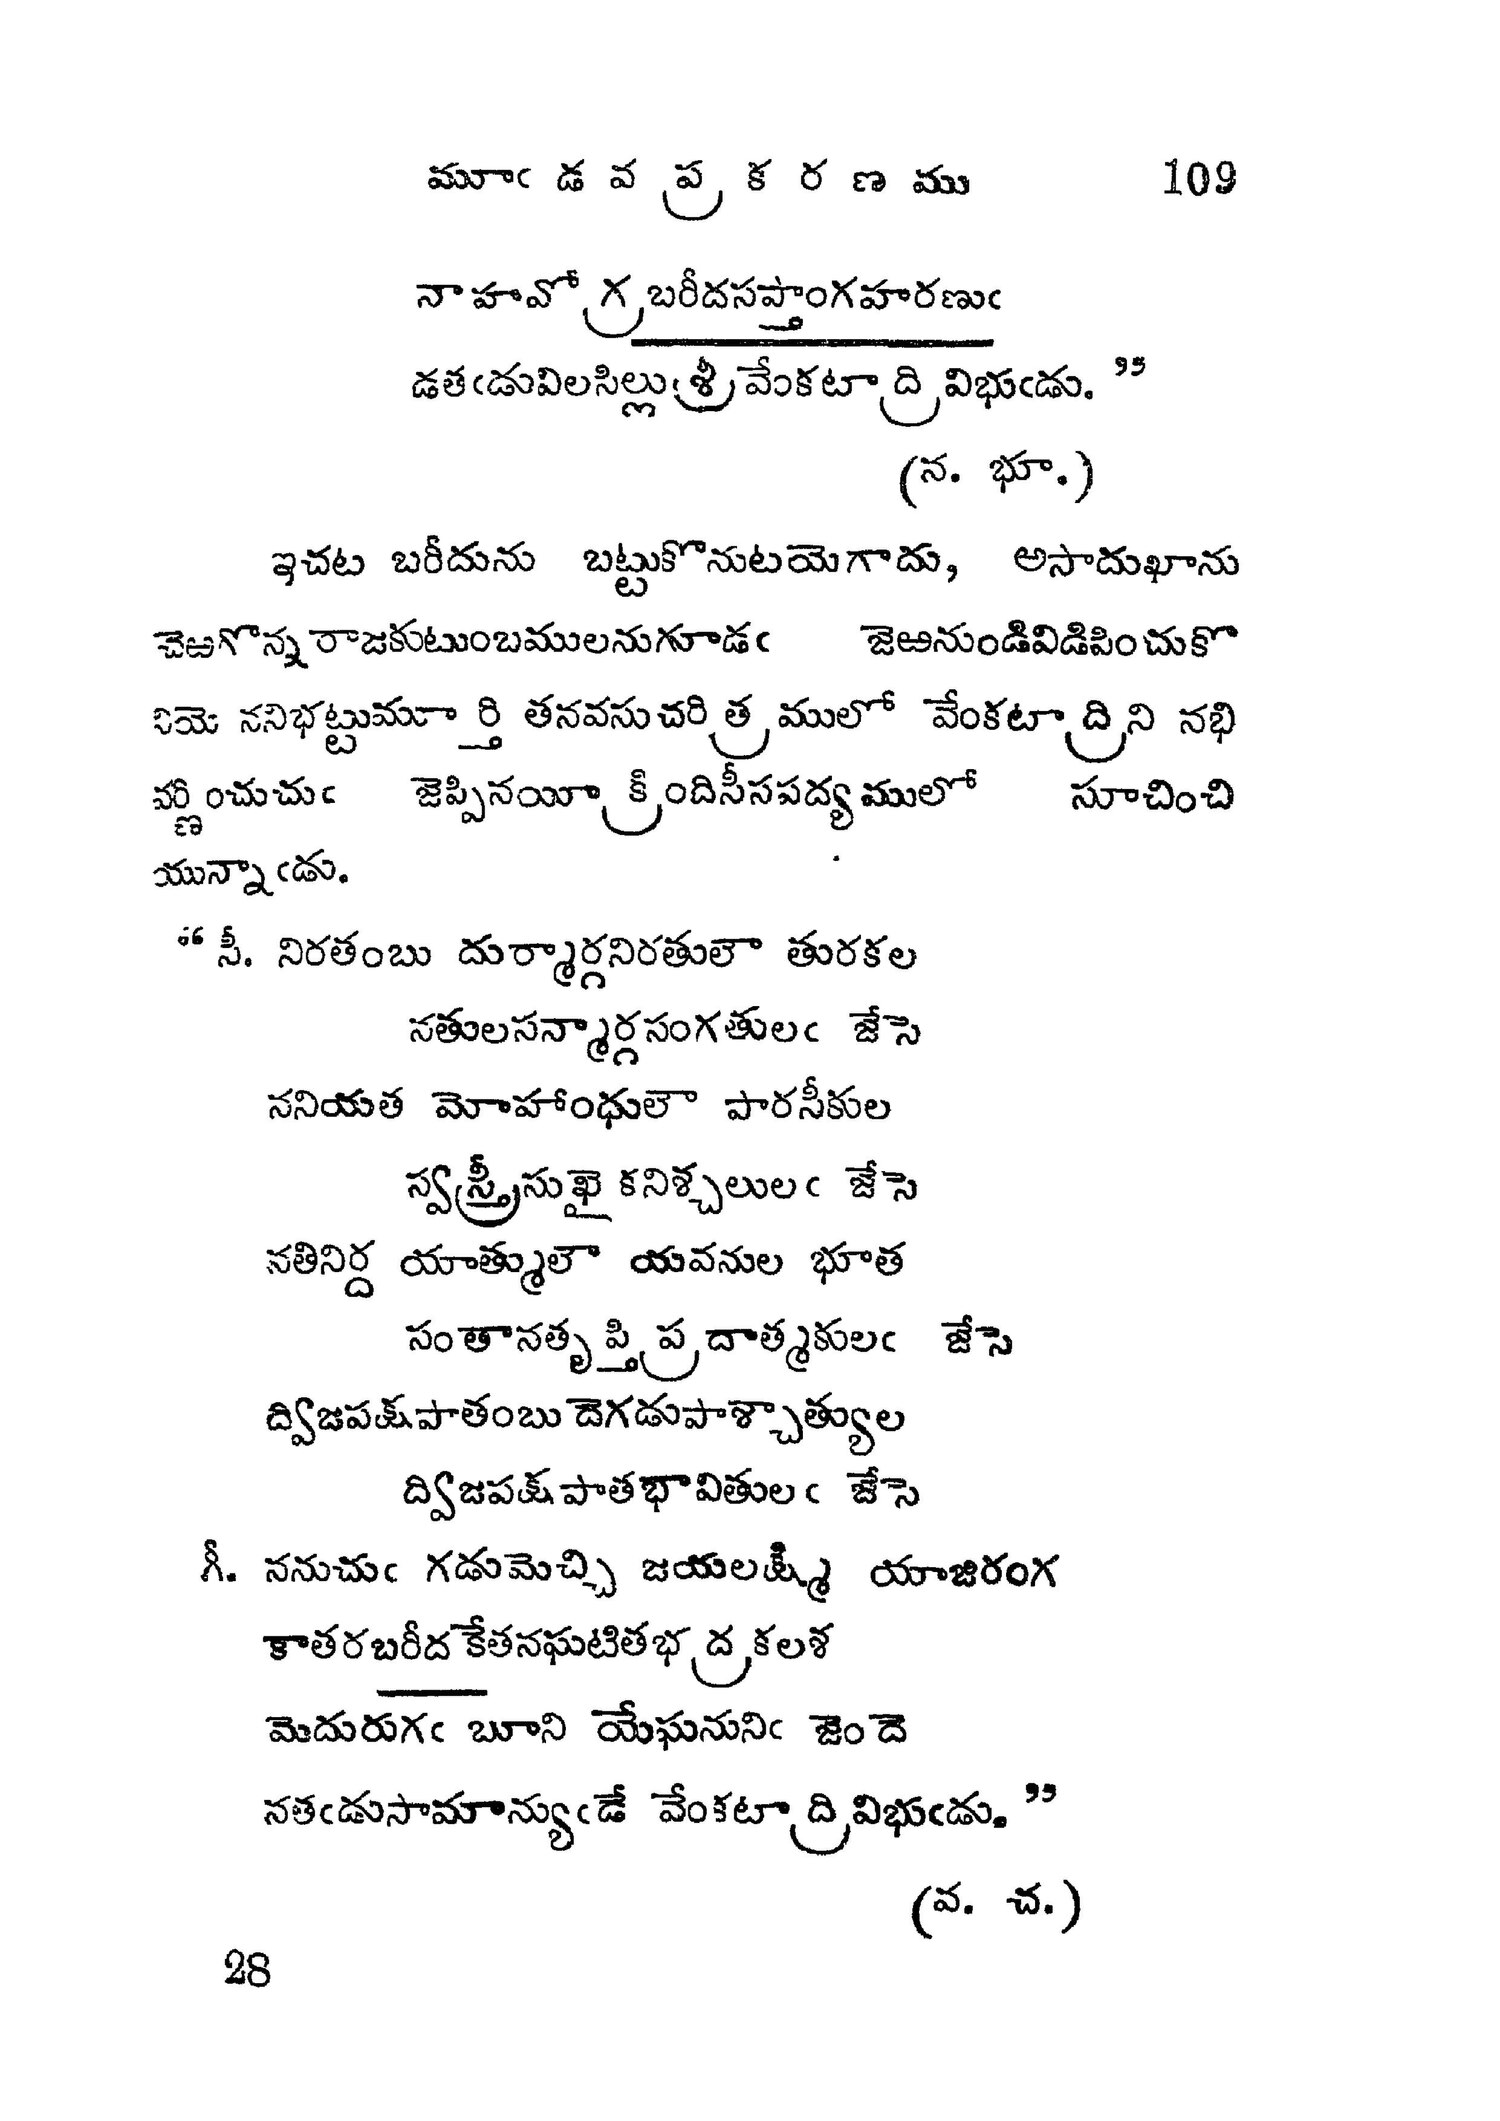నాహవోగ్రబరీదసప్తాంగహరణు
 డతడువిలసిల్లుశ్రీవేంకటాద్రివిభుడు."
 (న. భూ.)

ఇచట బరీదును బట్టుకొనుటయెగాదు, అసాదుఖాను చెఱగొన్నరాజకుటుంబములనుగూడ జెఱనుండివిడిపించుకొనియె ననిభట్టుమూర్తి తనవసుచరిత్రములో వేంకటాద్రిని నభివర్ణించుచు జెప్పినయీక్రిందిసీసపద్యములో సూచించి యున్నాడు.

 "సీ. నిరతంబు దుర్మార్గనిరతులౌ తురకల
 నతులసన్మార్గసంగతుల జేసె
 ననియత మోహాంధులౌ పారసీకుల
 న్వస్త్రీసుఖైకనిశ్చలుల జేసె
 నతినిర్ద యాత్ములౌ యవనుల భూత
 సంతానతృప్తిప్రదాత్మకుల జేసె
 ద్విజపక్షపాతంబుదెగడుపాశ్చాత్యుల
 ద్విజపక్షపాతభావితుల జేసె

 గీ. ననుచు గడుమెచ్చి జయలక్ష్మి యాజిరంగ
 కాతరబరీదకేతనఘటితభద్రకలశ
 మెదురుగ బూని యేఘనుని జెందె
 నతడుసామాన్యుడే వేంకటాద్రివిభుడు."
 (వ. చ.)